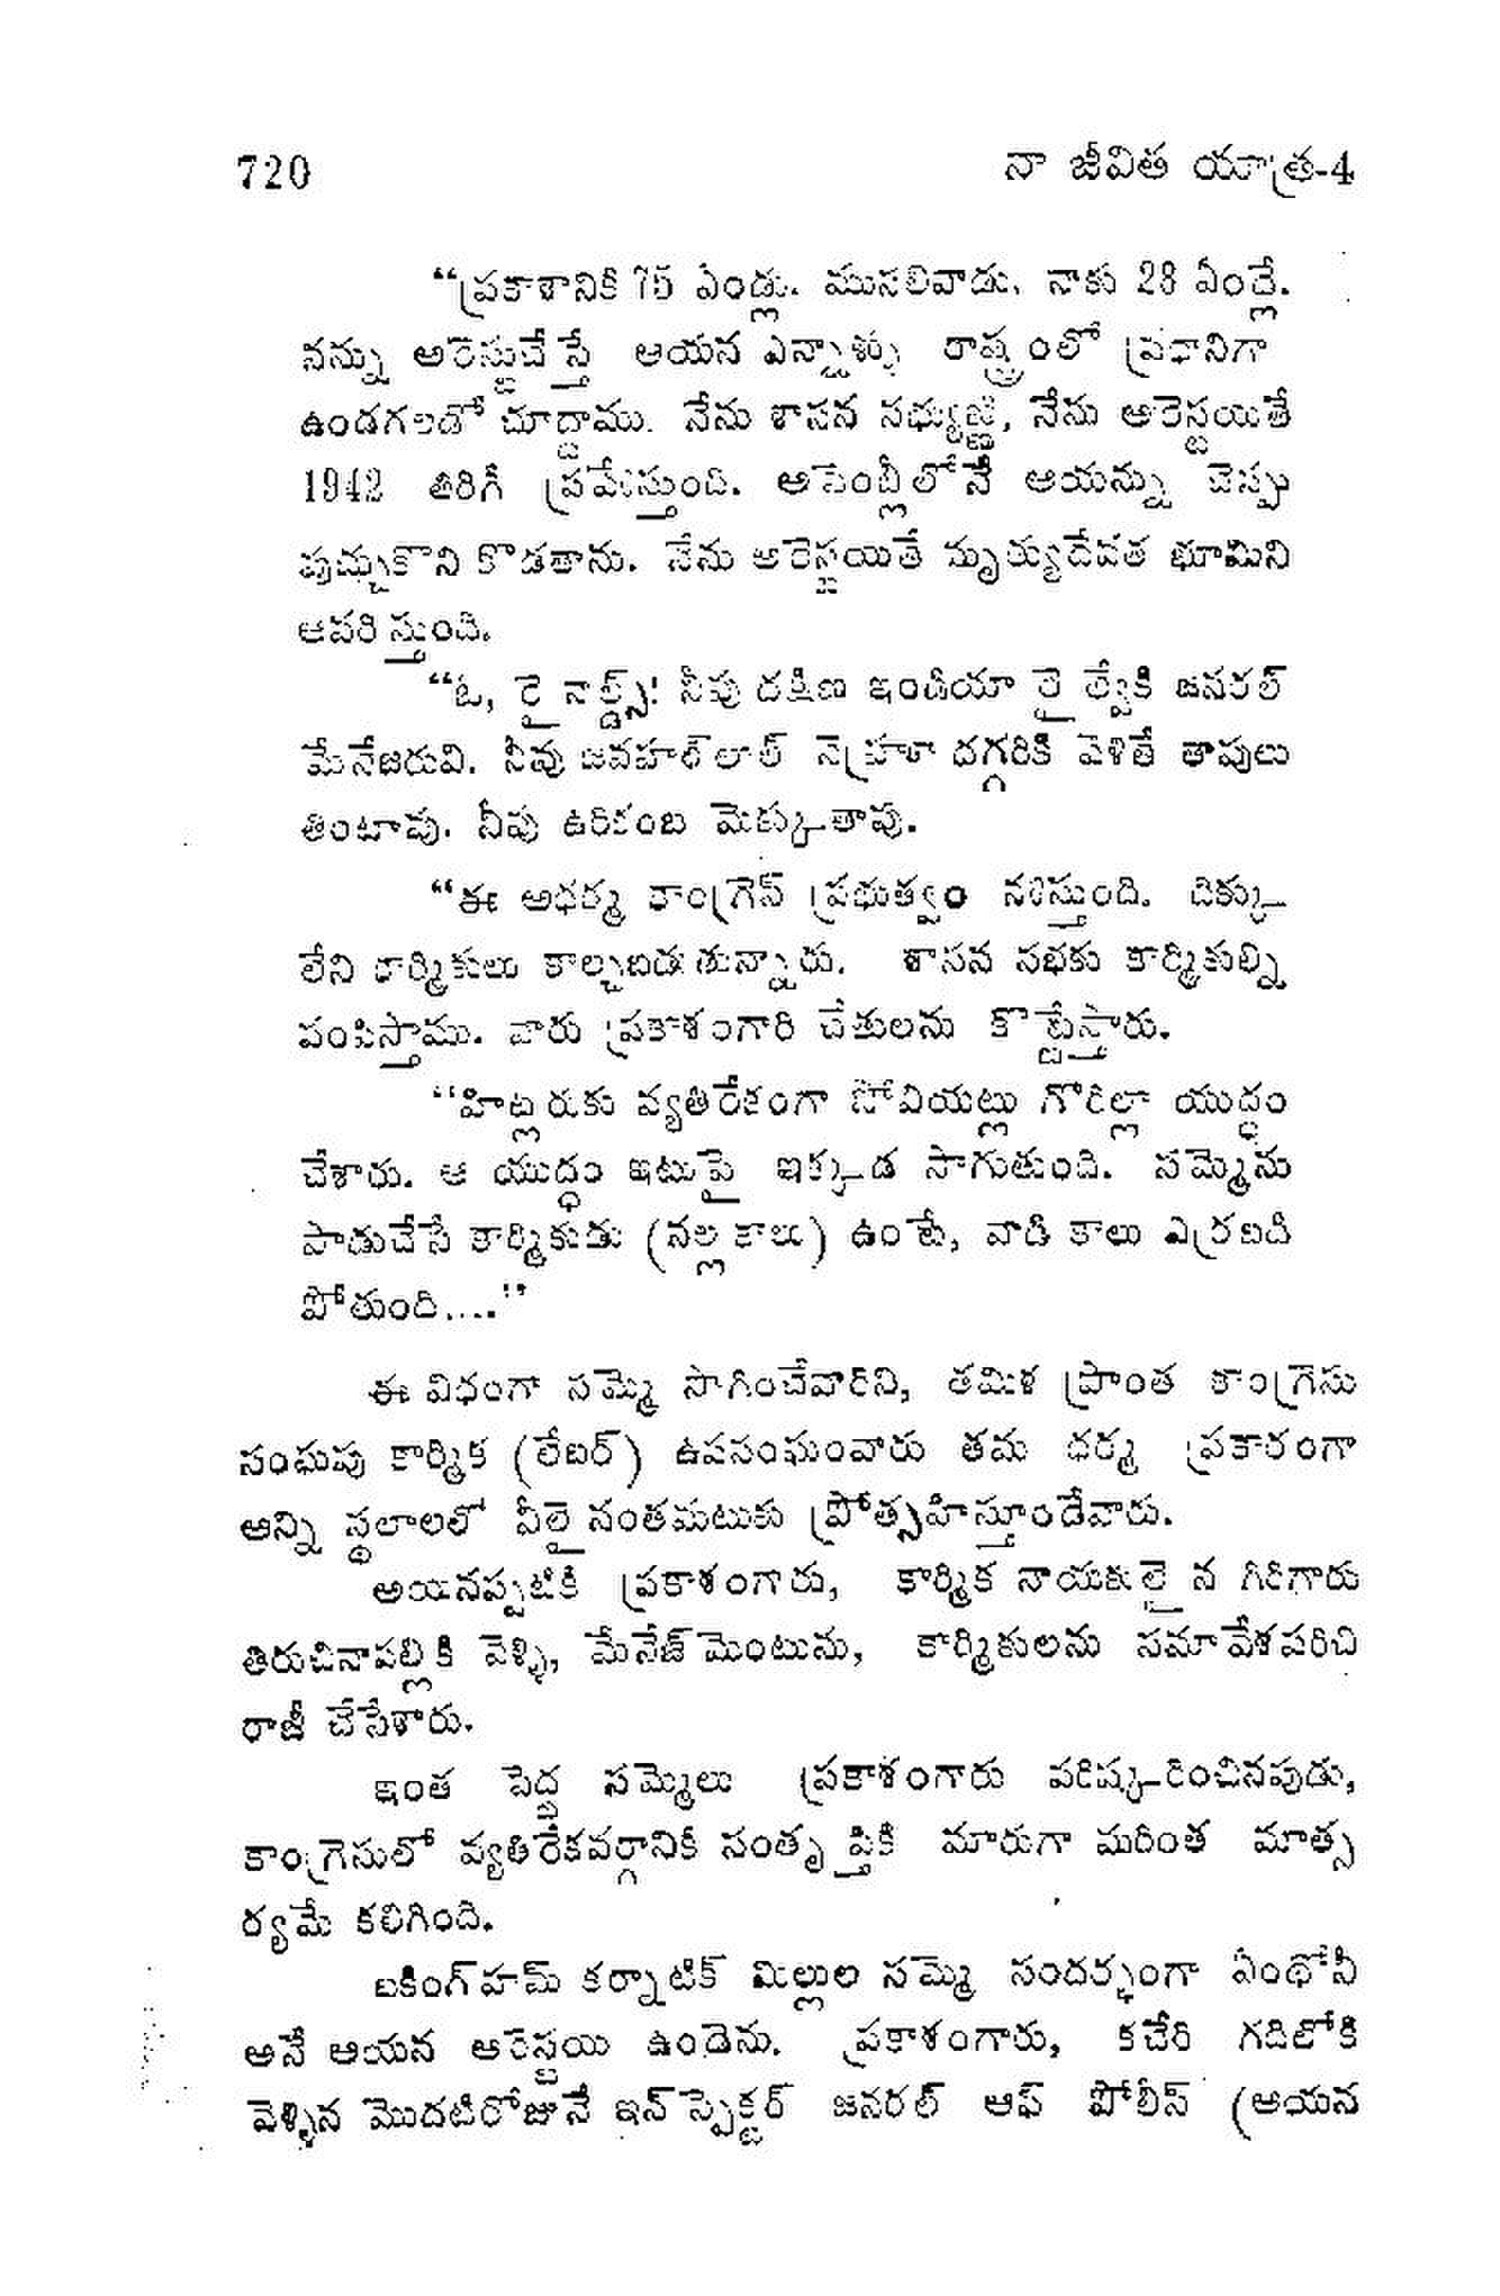"ప్రకాశానికి 75 ఏండ్లు. ముసలివాడు, నాకు 28 ఏండ్లే, నన్ను అరెస్టుచేస్తే ఆయన ఎన్నాళ్ళు రాష్ట్రంలో ప్రధానిగా ఉండగలడో చూద్దాము. నేను శాసన సభ్యుణ్ణి, నేను అరెస్టయితే 1942 తిరిగీ ప్రవేశిస్తుంది. అసెంబ్లీలోనే ఆయన్ను చెప్పు పుచ్చుకొని కొడతాను. నేను అరెస్టయితే మృత్యు దేవత భూమిని ఆవరిస్తుంది.

"ఓ, రైనాల్డ్స్! నీవు దక్షిణ ఇండియా రైల్వేకి జనరల్ మేనేజరువి. నీవు జవహర్‌లాల్ నెహ్రూ దగ్గరికి వెళితే తాపులు తింటావు. నీవు ఉరికంబ మెక్కుతావు.

"ఈ అధర్మ కాంగ్రెస్ ప్రభుత్వం నశిస్తుంది. దిక్కులేని కార్మికులు కాల్చబడుతున్నారు. శాసన సభకు కార్మికుల్ని పంపిస్తాము. వారు ప్రకాశంగారి చేతులను కొట్టేస్తారు.

"హిట్లరుకు వ్యతిరేకంగా సోవియట్లు గొరిల్లా యుద్ధం చేశారు. ఆ యుద్ధం ఇటుపై ఇక్కడ సాగుతుంది. సమ్మెను పాడుచేసే కార్మికుడు (నల్లకాలు) ఉంటే, వాడి కాలు ఎర్రబడి పోతుంది.

ఈ విధంగా సమ్మె సాగించేవారిని, తమిళ ప్రాంత కాంగ్రెసు సంఘపు కార్మిక (లేబర్) ఉపసంఘంవారు తమ ధర్మ ప్రకారంగా అన్ని స్థలాలలో వీలైనంతమటుకు ప్రోత్సహిస్తూండేవారు.

అయినప్పటికి ప్రకాశంగారు, కార్మిక నాయకులైన గిరిగారు తిరుచినాపల్లికి వెళ్ళి, మేనేజ్‌మెంటును, కార్మికులను సమావేశపరిచి రాజీ చేసేశారు.

ఇంత పెద్ద సమ్మెలు ప్రకాశంగారు పరిష్కరించినపుడు, కాంగ్రెసులో వ్యతిరేకవర్గానికి సంతృప్తికి మారుగా మరింత మాత్సర్యమే కలిగింది.

బకింగ్‌హామ్ కర్నాటిక్ మిల్లుల సమ్మె సందర్భంగా ఏంథోనీ అనే ఆయన అరెస్టయి ఉండెను. ప్రకాశంగారు, కచేరి గదిలోకి వెళ్ళిన మొదటిరోజునే ఇన్‌స్పెక్టర్ జనరల్ ఆఫ్ పోలీస్ (ఆయన